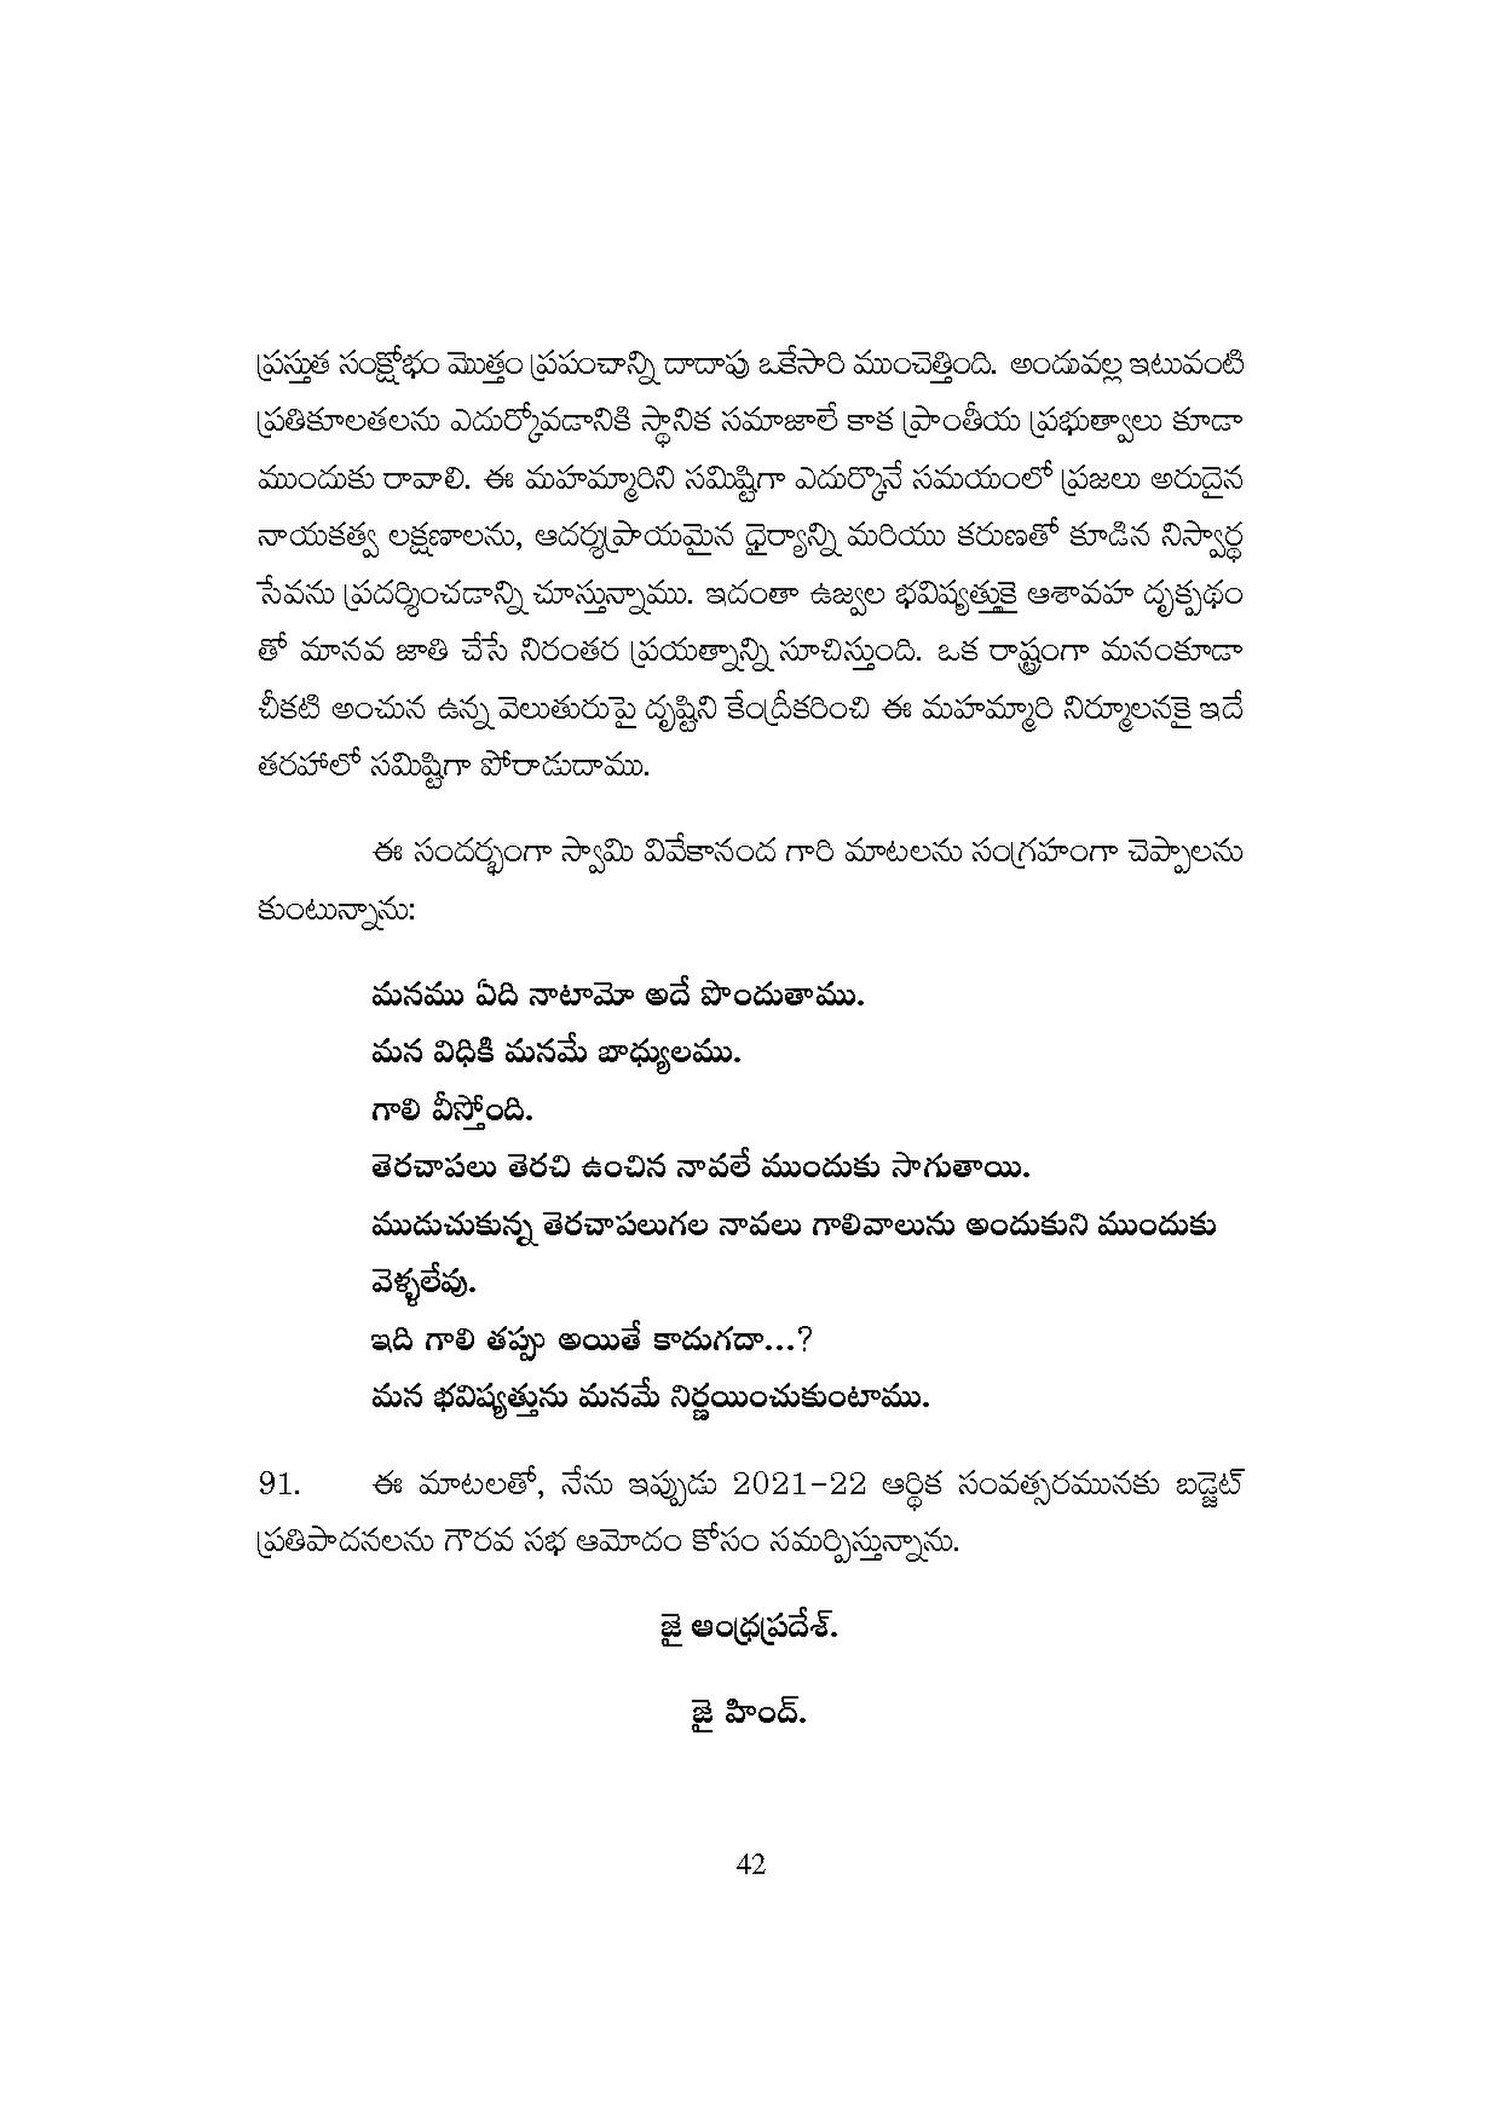ప్రస్తుత సంక్షోభం మొత్తం ప్రపంచాన్ని దాదాపు ఒకేసారి ముంచెత్తింది. అందువల్ల ఇటువంటి
ప్రతికూలతలను ఎదుర్కోవడానికి స్థానిక సమాజాలే కాక ప్రాంతీయ ప్రభుత్వాలు కూడా
ముందుకు రావాలి. ఈ మహమ్మారిని సమిష్టిగా ఎదుర్కొనే సమయంలో ప్రజలు అరుదైన
నాయకత్వ లక్షణాలను, ఆదర్శప్రాయమైన ధైర్యాన్ని మరియు కరుణతో కూడిన నిస్వార్థ
సేవను ప్రదర్శించడాన్ని చూస్తున్నాము. ఇదంతా ఉజ్వల భవిష్యత్తుకై ఆశావహ దృక్పథం
తో మానవ జాతి చేసే నిరంతర ప్రయత్నాన్ని సూచిస్తుంది. ఒక రాష్ట్రంగా మనం కూడా
చీకటి అంచున ఉన్న వెలుతురుపై దృష్టిని కేంద్రీకరించి ఈ మహమ్మారి నిర్మూలనకై ఇదే
తరహాలో సమిష్టిగా పోరాడుదాము.

ఈ సందర్భంగా స్వామి వివేకానంద గారి మాటలను సంగ్రహంగా చెప్పాలను
కుంటున్నాను:

మనము ఏది నాటామో అదే పొందుతాము.
మన విధికి మనమే బాధ్యులము.
గాలి వీస్తోంది.
తెరచాపలు తెరచి ఉంచిన నావలే ముందుకు సాగుతాయి.
ముడుచుకున్న తెరచాపలుగల నావలు గాలివాలును అందుకుని ముందుకు
వెళ్ళలేవు.
ఇది గాలి తప్పు అయితే కాదుగదా...?
మన భవిష్యత్తును మనమే నిర్ణయించుకుంటాము. 

91. ఈ మాటలతో, నేను ఇప్పుడు 2021-22 ఆర్థిక సంవత్సరమునకు బడ్జెట్
ప్రతిపాదనలను గౌరవ సభ ఆమోదం కోసం సమర్పిస్తున్నాను.
జై ఆంధ్రప్రదేశ్,
జై హింద్.